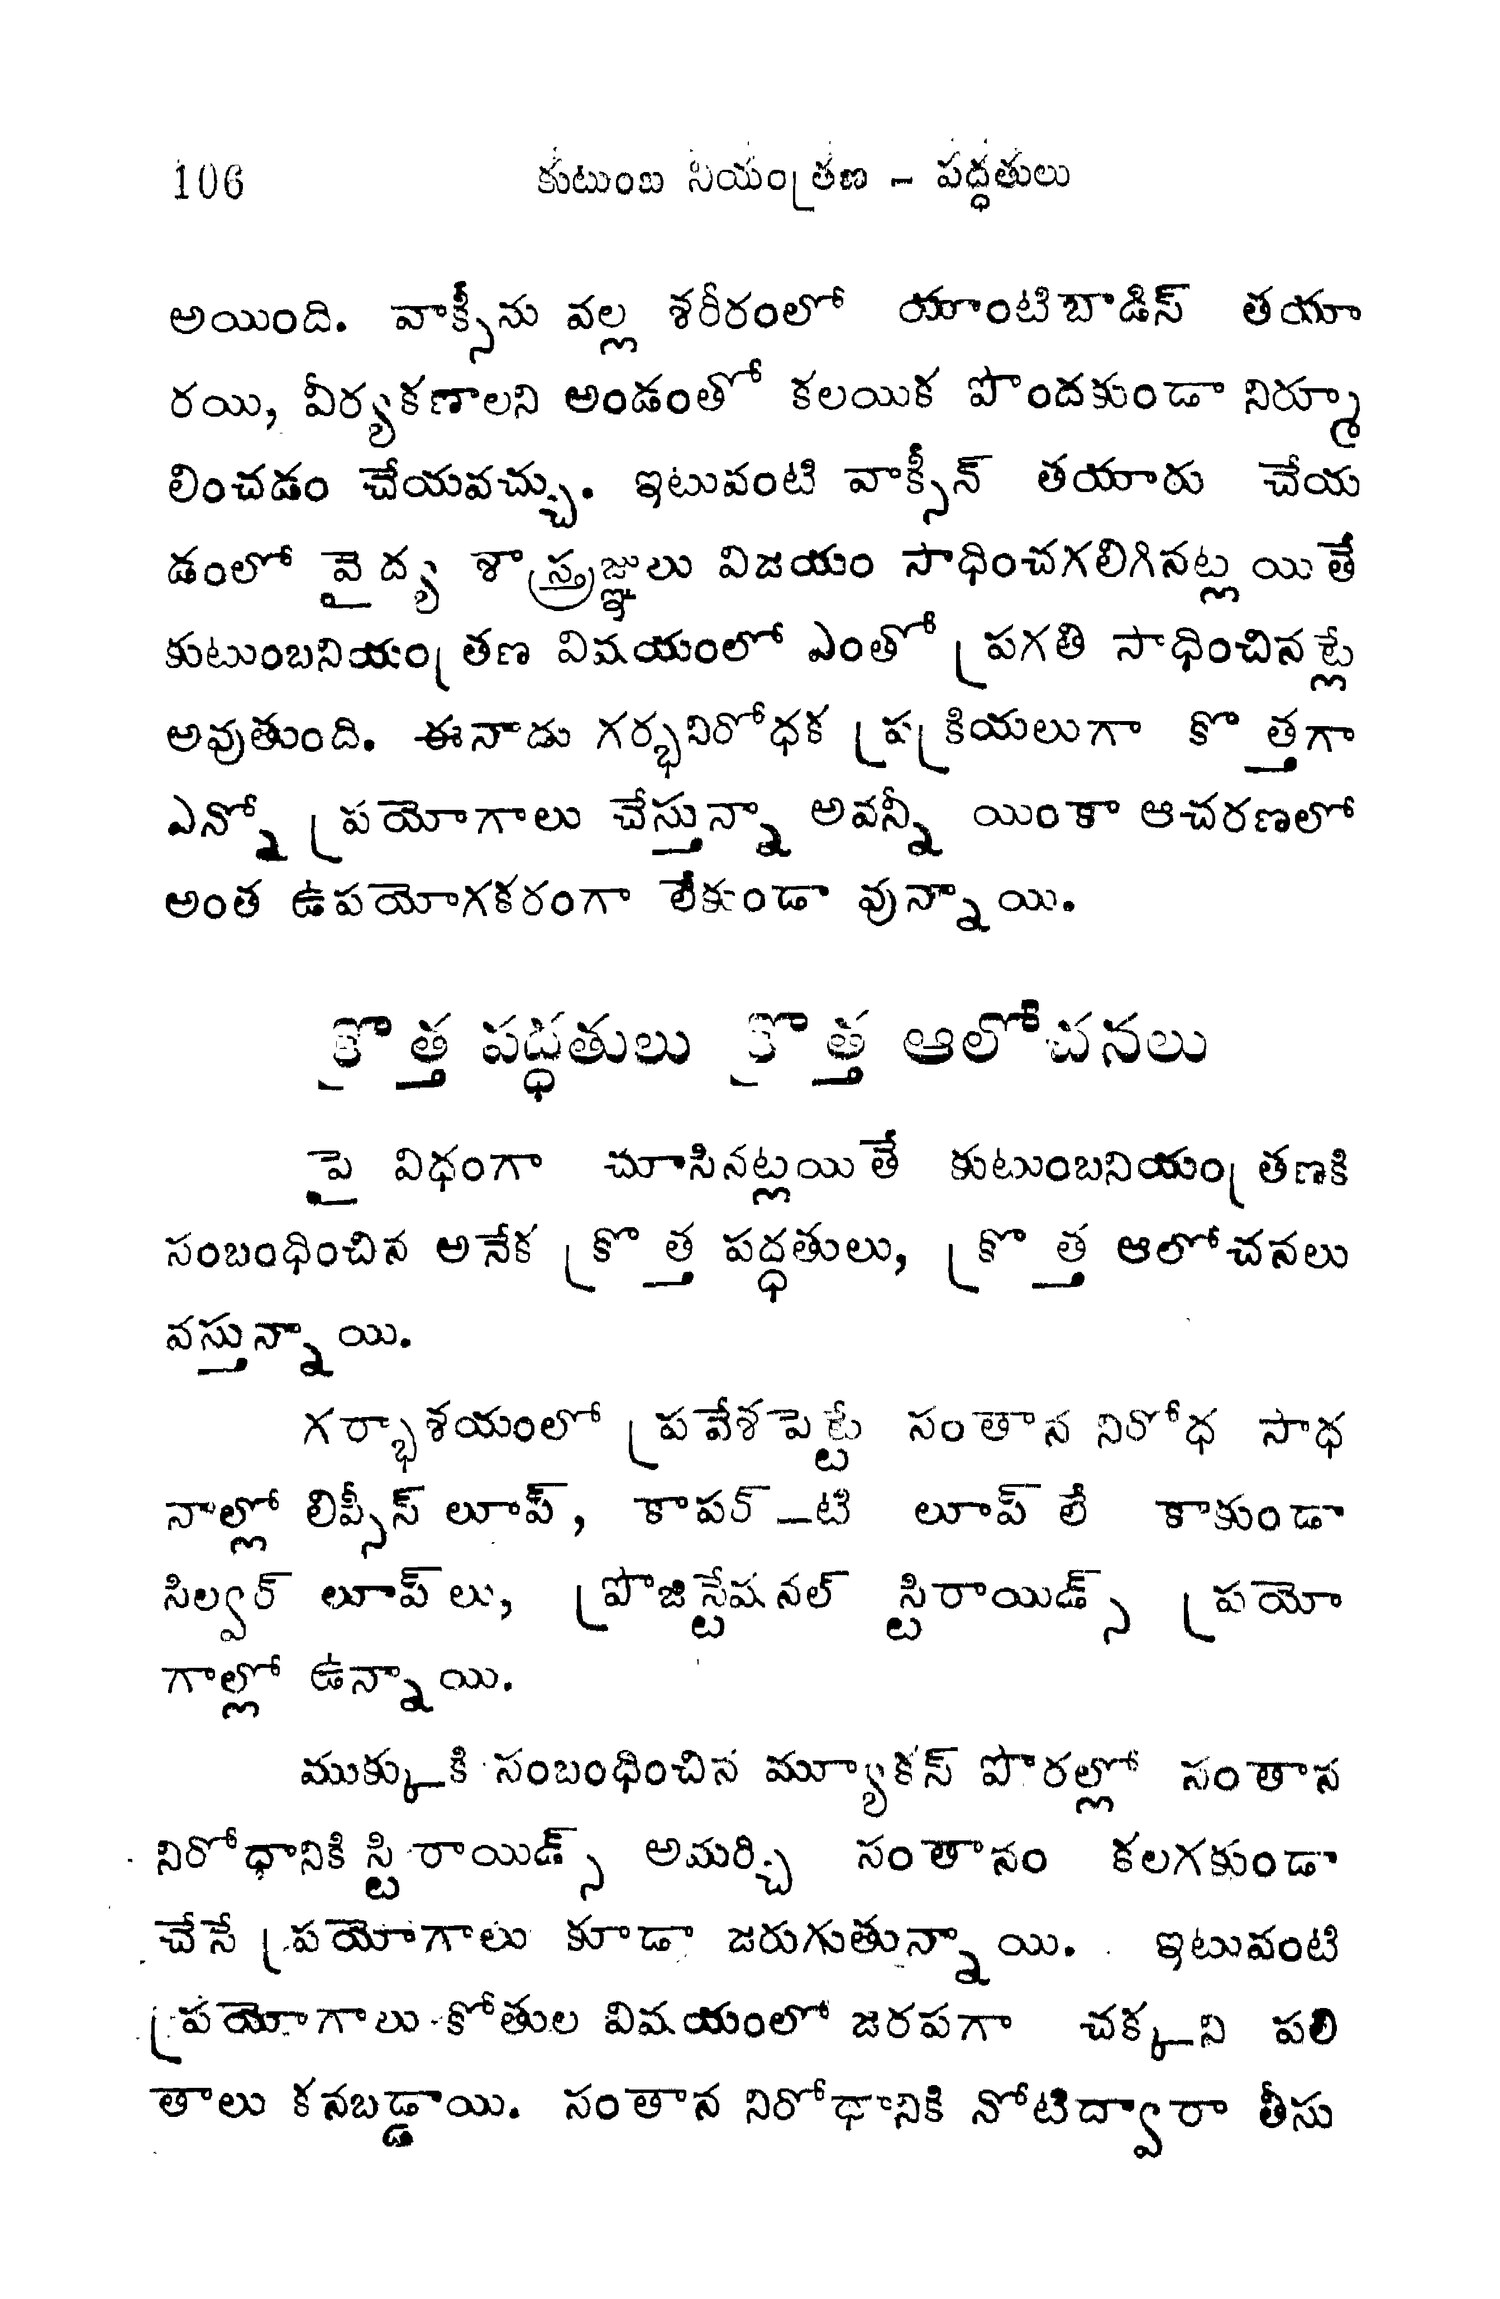అయింది. వాక్సీను వల్ల శరీరంలో యాంటీబాడిస్ తయారయి, వీర్యకణాలని అండంతో కలయిక పొందకుండా నిర్మూలించడం చేయవచ్చు. ఇటువంటి వాక్సీన్ తయారు చేయడంలో వైధ్య శాస్త్రజ్ఞులు విజయం సాధించగలిగినట్ల యితే కుటుంబనియంత్రణ విషయంలో ఎంతో ప్రగతి సాధించినట్లే అవుతుంది. ఈ నాడు గర్భనిరోధక ప్రక్రియలుగా కొత్తగా ఎన్నో ప్రయోగాలు చేస్తున్నా అవన్నీ యింకా ఆచరణలో అంత ఉపయోగకరంగా లేకుండా వున్నాయి.

పై విధంగా చూసినట్లయితే కుటుంబనియంత్రణకి సంబంధించిన అనేక క్రొత్త పద్ధతులు, క్రొత్త ఆలోచనలు వస్తున్నాయి.

గర్భాశయంలో ప్రవేశపెట్టే సంతాన నిరోధ సాధనాల్లో లీస్సీస్ లూప్, కాపర్ -టి లూప్ లే కాకుండా సిల్వర్ లూప్ లు, ప్రొజిస్టేషనల్ స్టిరాయిడ్స్ ప్రయోగాల్లో ఉన్నాయి.

ముక్కుకి సంబంధించిన మ్యూకస్ పొరల్లో సంతాన నిరోధానికి స్టిరాయిడ్స్ అమర్చి సంతానం కలగకుండా చేసే ప్రయోగాలు కూడా జరుగుతున్నాయి. ఇటువంటి ప్రయోగాలు కోతుల విషయంలో జరపగా చక్కని ఫలితాలు కనబడ్డాయి. సంతాన నిరోధానికి నోటిద్వారా తీసు